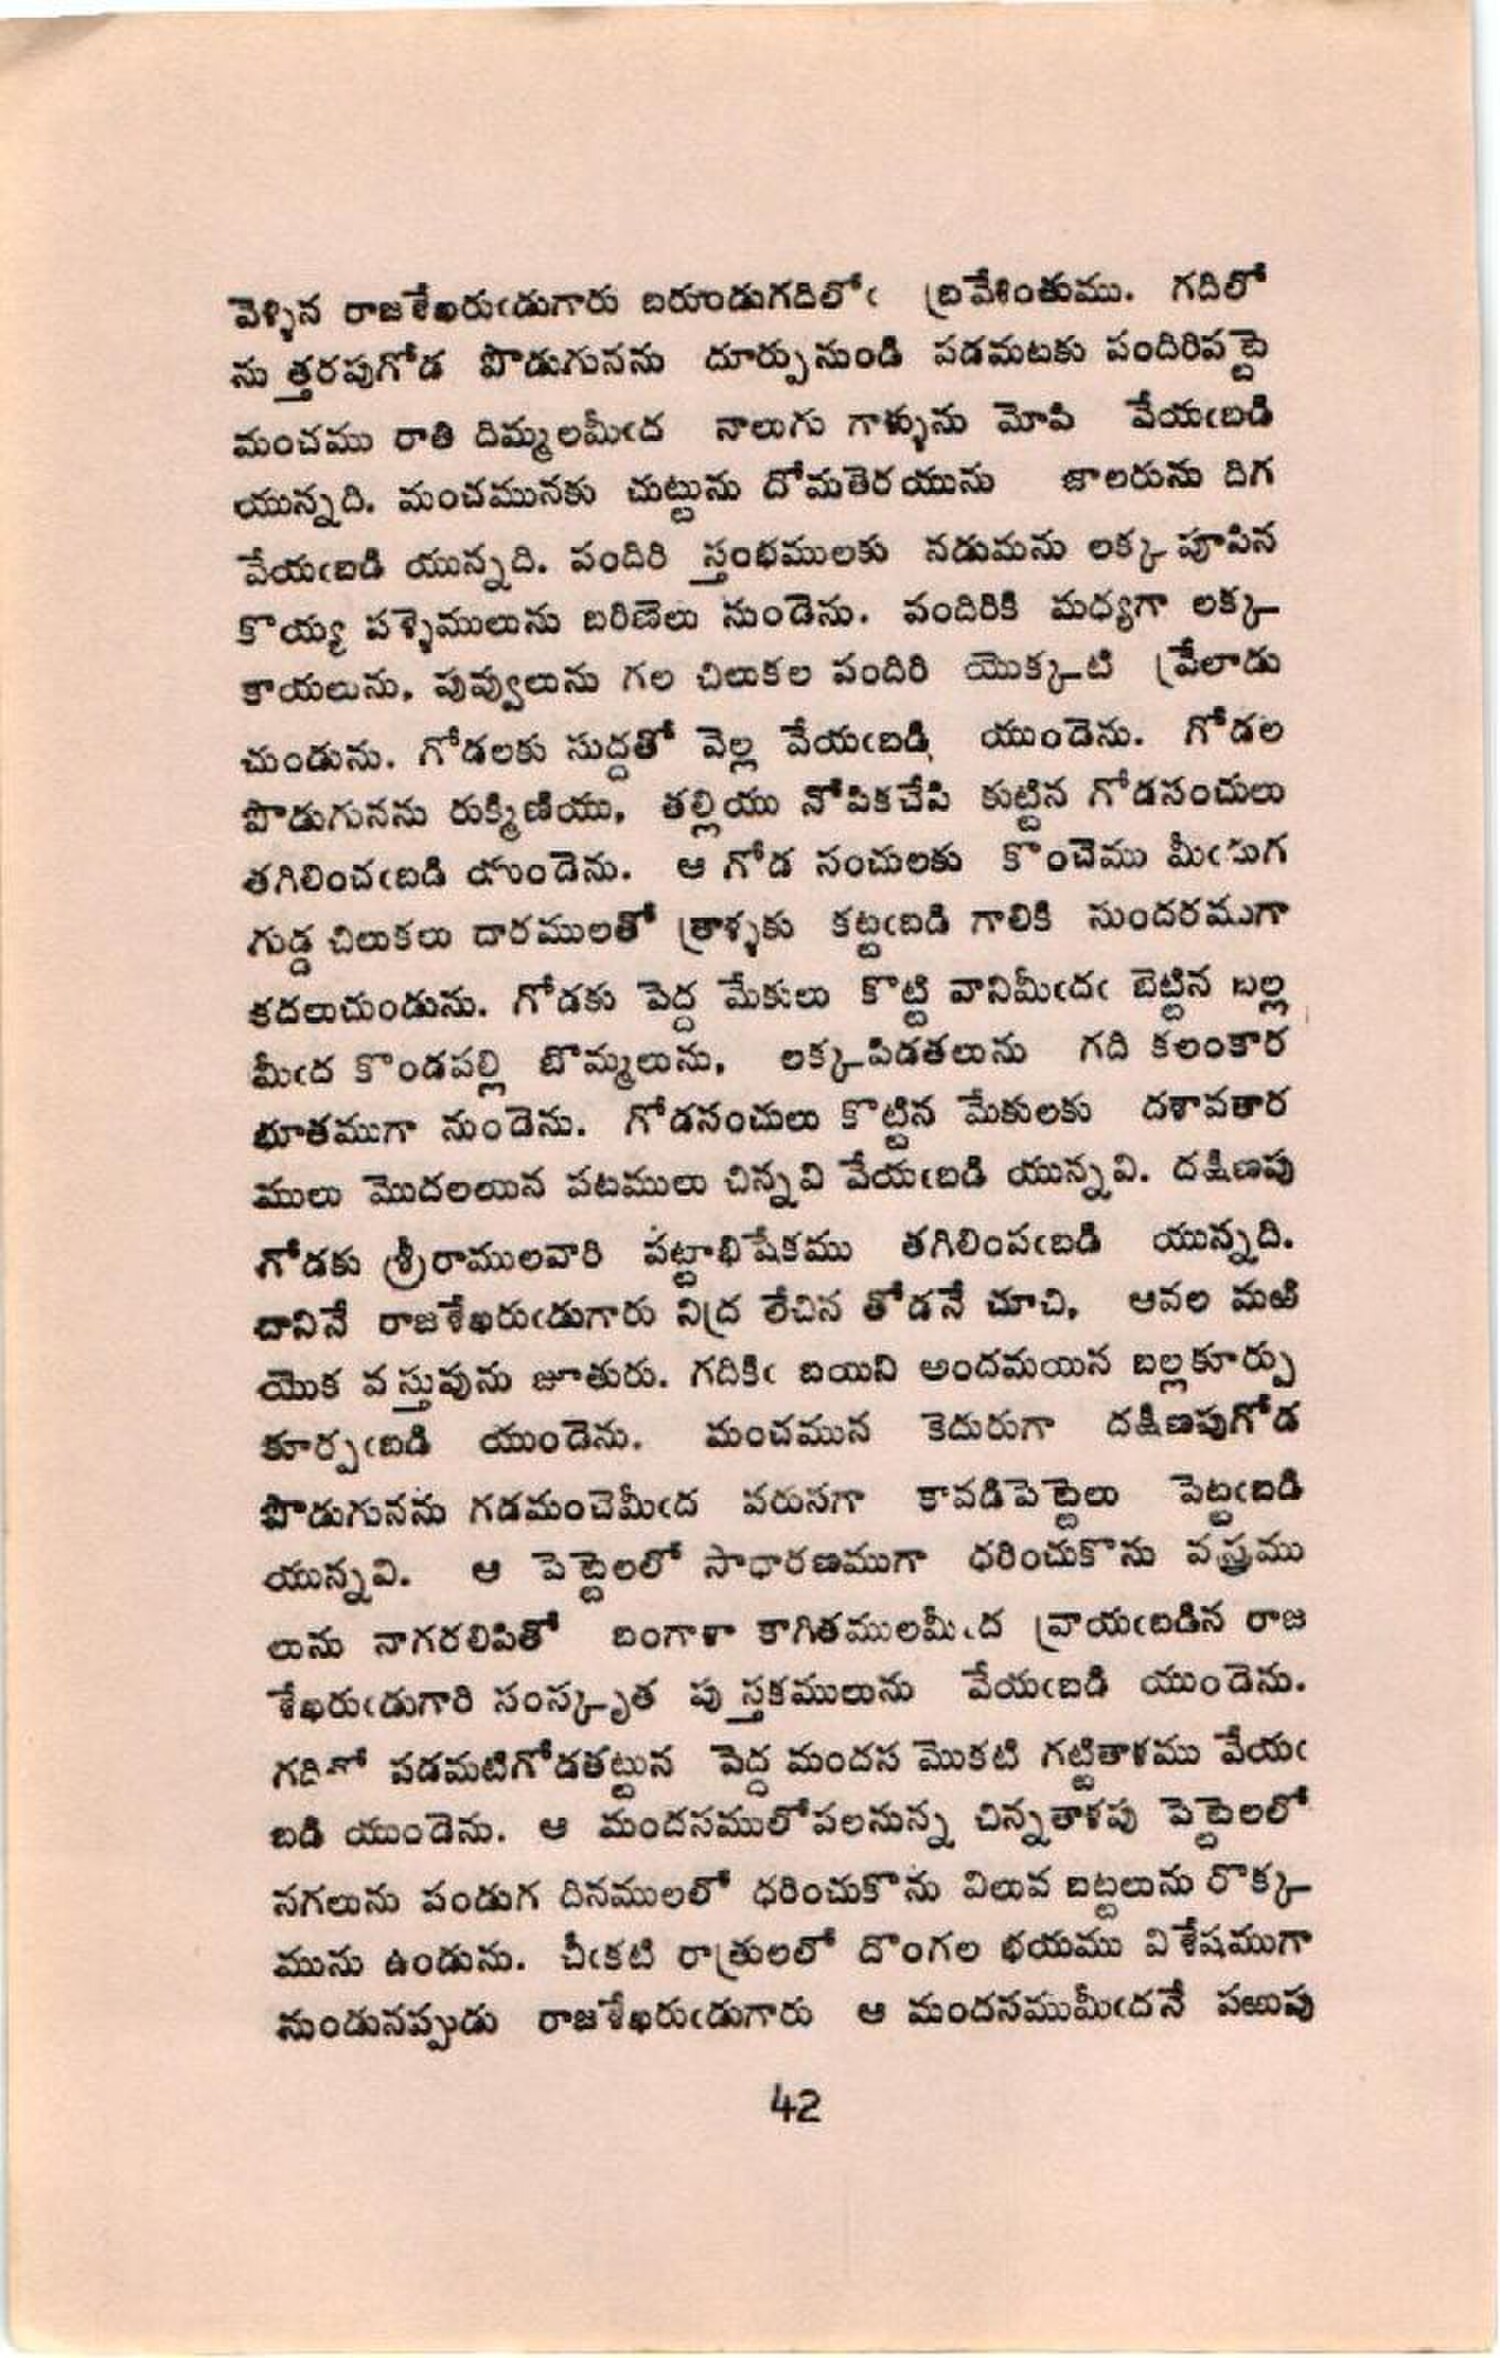వెళ్ళిన రాజశేఖరుఁడుగారు బరుండుగదిలోఁ బ్రవేశింతుము. గదిలో ను త్తరపు గోడ పొడుగునను దూర్పునుండి పడమటకు పందిరిపట్టె మంచము రాతి దిమ్మలమీఁద నాలుగు గాళ్ళను మోపి వేయఁబడి యున్నది. మంచమునకు చుట్టును దోమతెరయును జాలరును దిగవేయబడియున్నది. పందిరి స్తంభములకు నడుమను లక్క పూసిన కొయ్య పళ్ళెములను బరిణెలు నుండెను. పందిరికి మధ్యగా లక్కకాయలను, పువ్వులను గల చిలుకల పందిరి యొక్కటి వేలాడు చుండును. గోడలకు సుద్దతో వెల్ల వేయఁబడి యుండెను. గోడల పొడుగునను రుక్మిణియు, తల్లియు నోపికచేసి కట్టిన గోడసంచులు తగిలించబడి యుండెను. ఆ గోడ సంచులకు కొంచెము మీఁదుగ గుడ్డ చిలుకలు దారములతో త్రాళ్ళకు కట్టబడి గాలికి సుందరముగా కదలుచుండును. గోడకు పెద్ద మేకులు కొట్టి వానిమీఁదఁ బెట్టిన బల్ల మీఁద కొండపల్లి బొమ్మలును, లక్కపిడతలను గది కలంకార భూతముగా నుండెను. గోడనంచులు కొట్టిన మేకులకు దశావతార ములు మొదలయిన పటములు చిన్నవి వేయబడి యున్నవి. దక్షిణపు గోడకు శ్రీరాములవారి పట్టాభిషేకము తగిలింపఁబడి యున్నది. దానినే రాజశేఖరుఁడుగారు నిద్ర లేచిన తోడనే చూచి, ఆవల మఱి యొక వస్తువును జూతురు. గదికిఁ బయిని అందమయిన బల్లకూర్పు కూర్పఁబడి యుండెను. మంచమున కెదురుగా దక్షిణపుగోడ పొడుగునను గడమంచెమీఁద వరుసగా కావడి పెట్టెలు పెట్టఁబడి యున్నవి. ఆ పెట్టెలలో సాధారణముగా ధరించుకొను వస్త్రము లను నాగరలిపితో బంగాళా కాగితములమీద వ్రాయఁబడిన రాజ శేఖరుఁడుగారి సంస్కృత పుస్తకములును వేయఁబడి యుండెను. గదిలో పడమటిగోడతట్టున పెద్ద మందస మొకటి గట్టితాళము వేయఁ బడి యుండెను. ఆ మందసములోపలనున్న చిన్నతాళపు పెట్టెలలో నగలును పండుగ దినములలో ధరించుకొను విలువ బట్టలను రొక్కమును ఉండును. చీఁకటి రాత్రులలో దొంగల భయము విశేషముగా నుండునప్పుడు రాజశేఖరుఁడుగారు ఆ మందసముమీఁదనే పఱుపు